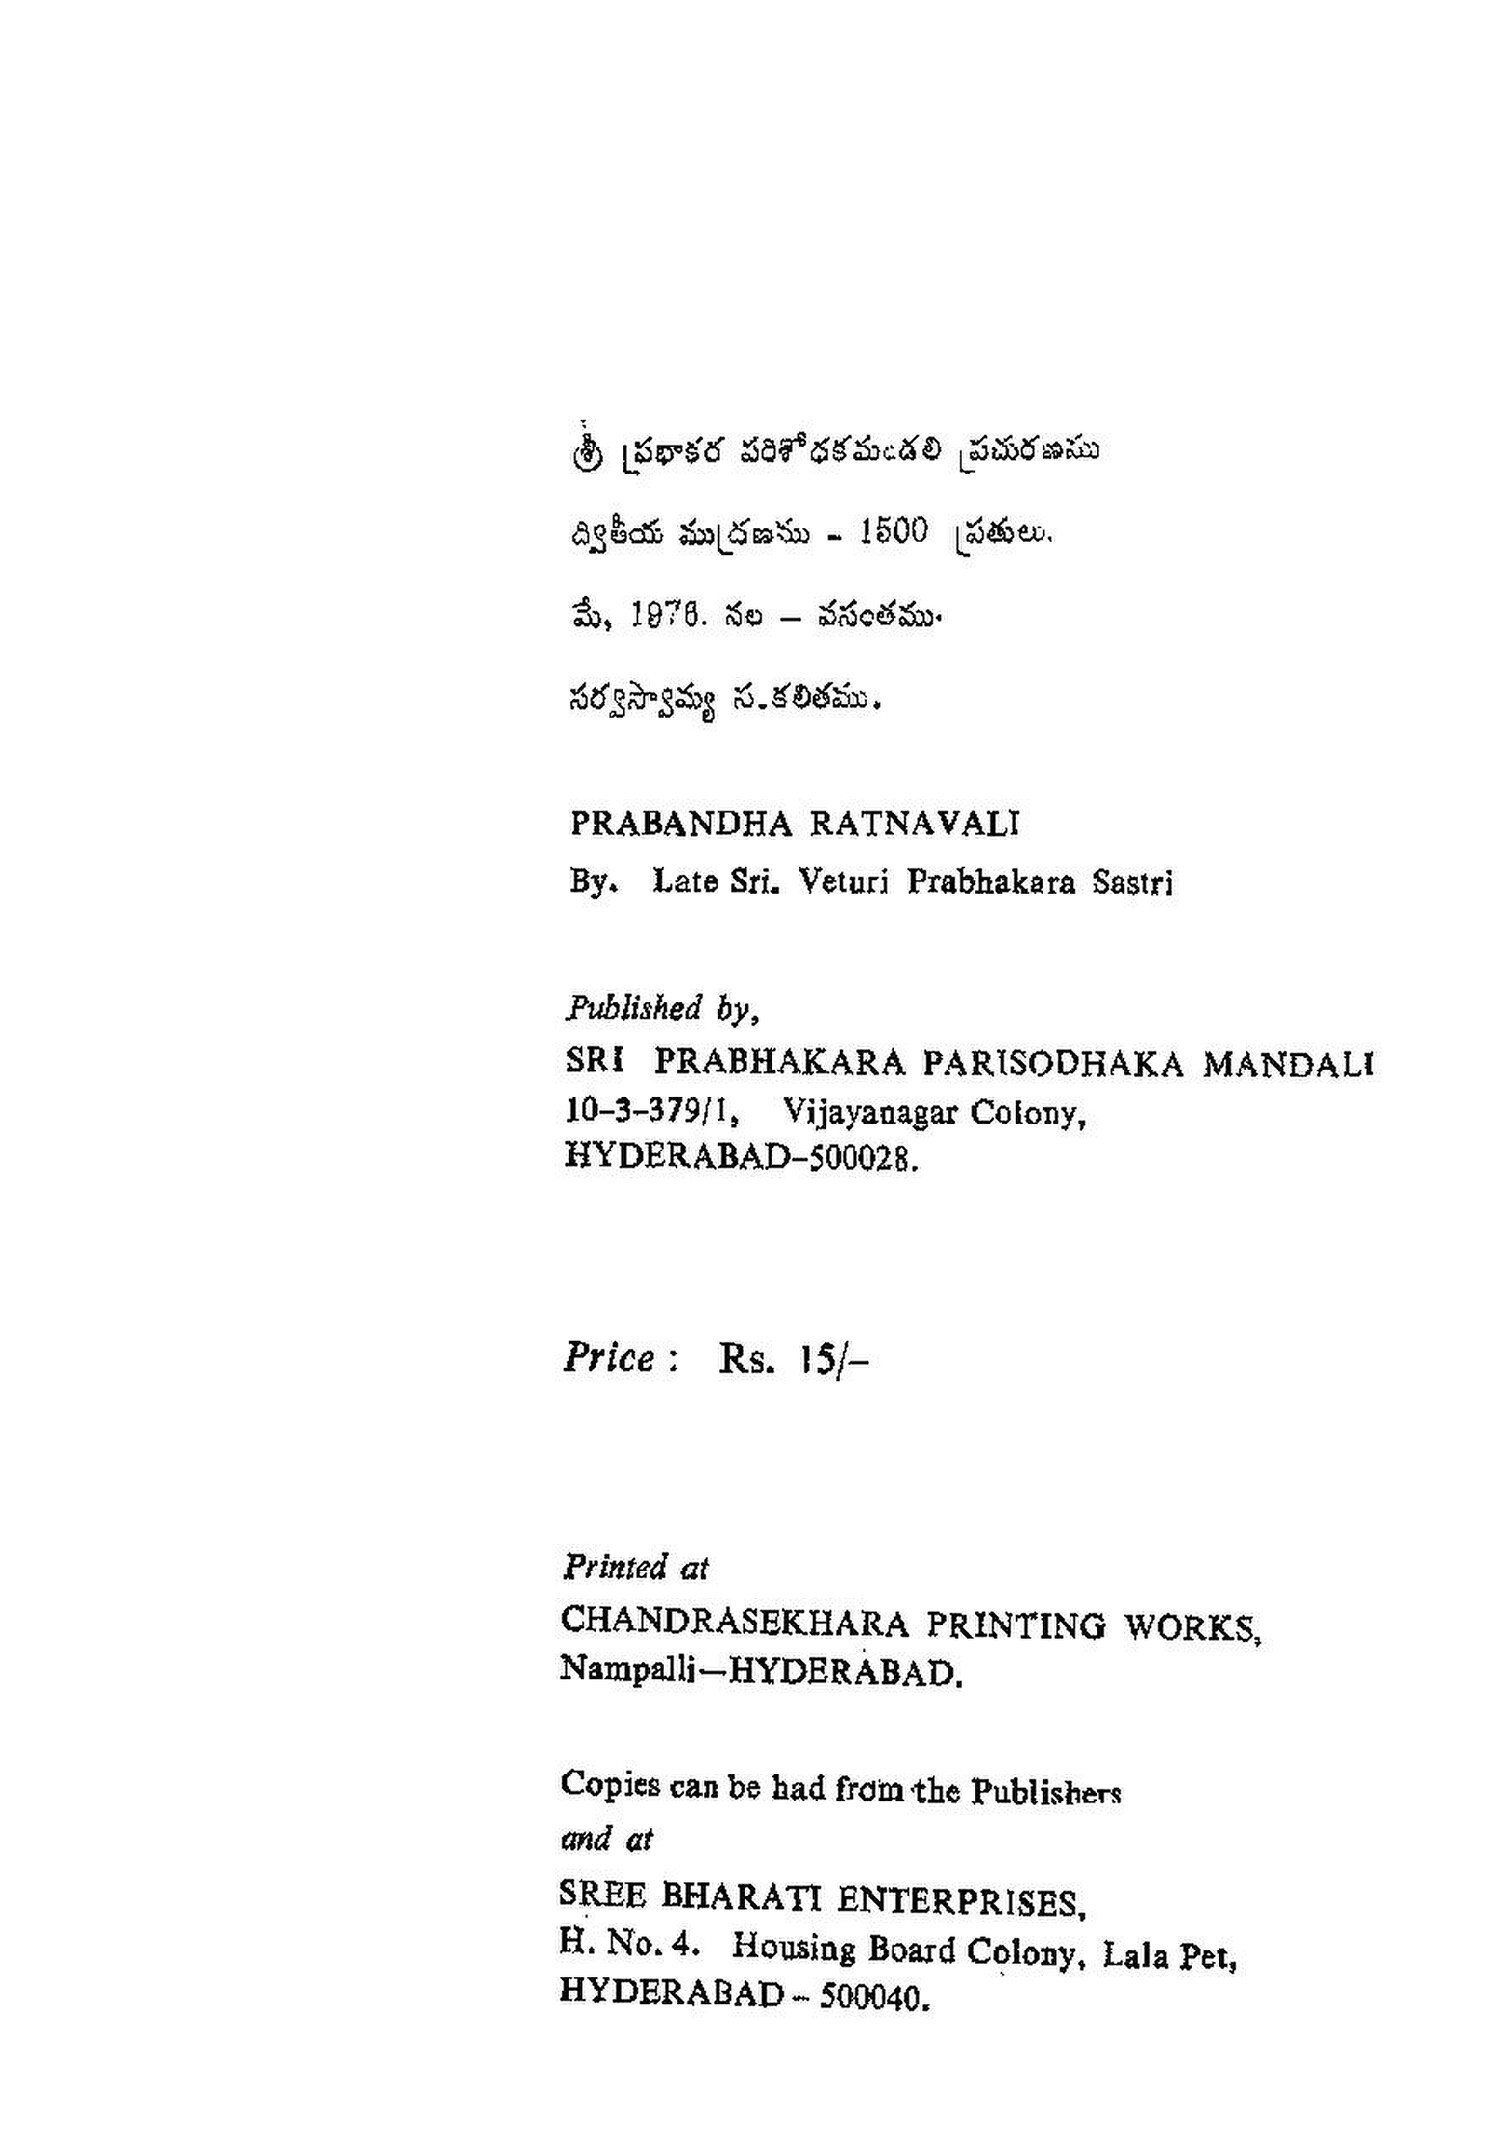శ్రీ ప్రభాకర పరిశోధకమండలి ప్రచురణము 

ద్వితీయ ముద్రణము - 1500 ప్రతులు.

మే, 1976. నల – వసంతము. 

సర్వస్వామ్య సంకలితము.

PRABANDHA RATNAVALI 

By. Late Sri. Veturi Prabhakara Sastri

Published by, 

SRI PRABHAKARA PARISODHAKA MANDALI 

10-3-379/1, Vijayanagar Colony, 

HYDERABAD-500028.

Price: Rs. 15/

Printed at 

CHANDRASEKHARA PRINTING WORKS, 

Nampalli-HYDERABAD.

Copies can be had from the Publishers 

and at 

SREE BHARATI ENTERPRISES, 

H. No. 4. Housing Board Colony, Lala Pet, 

HYDERABAD-500040.